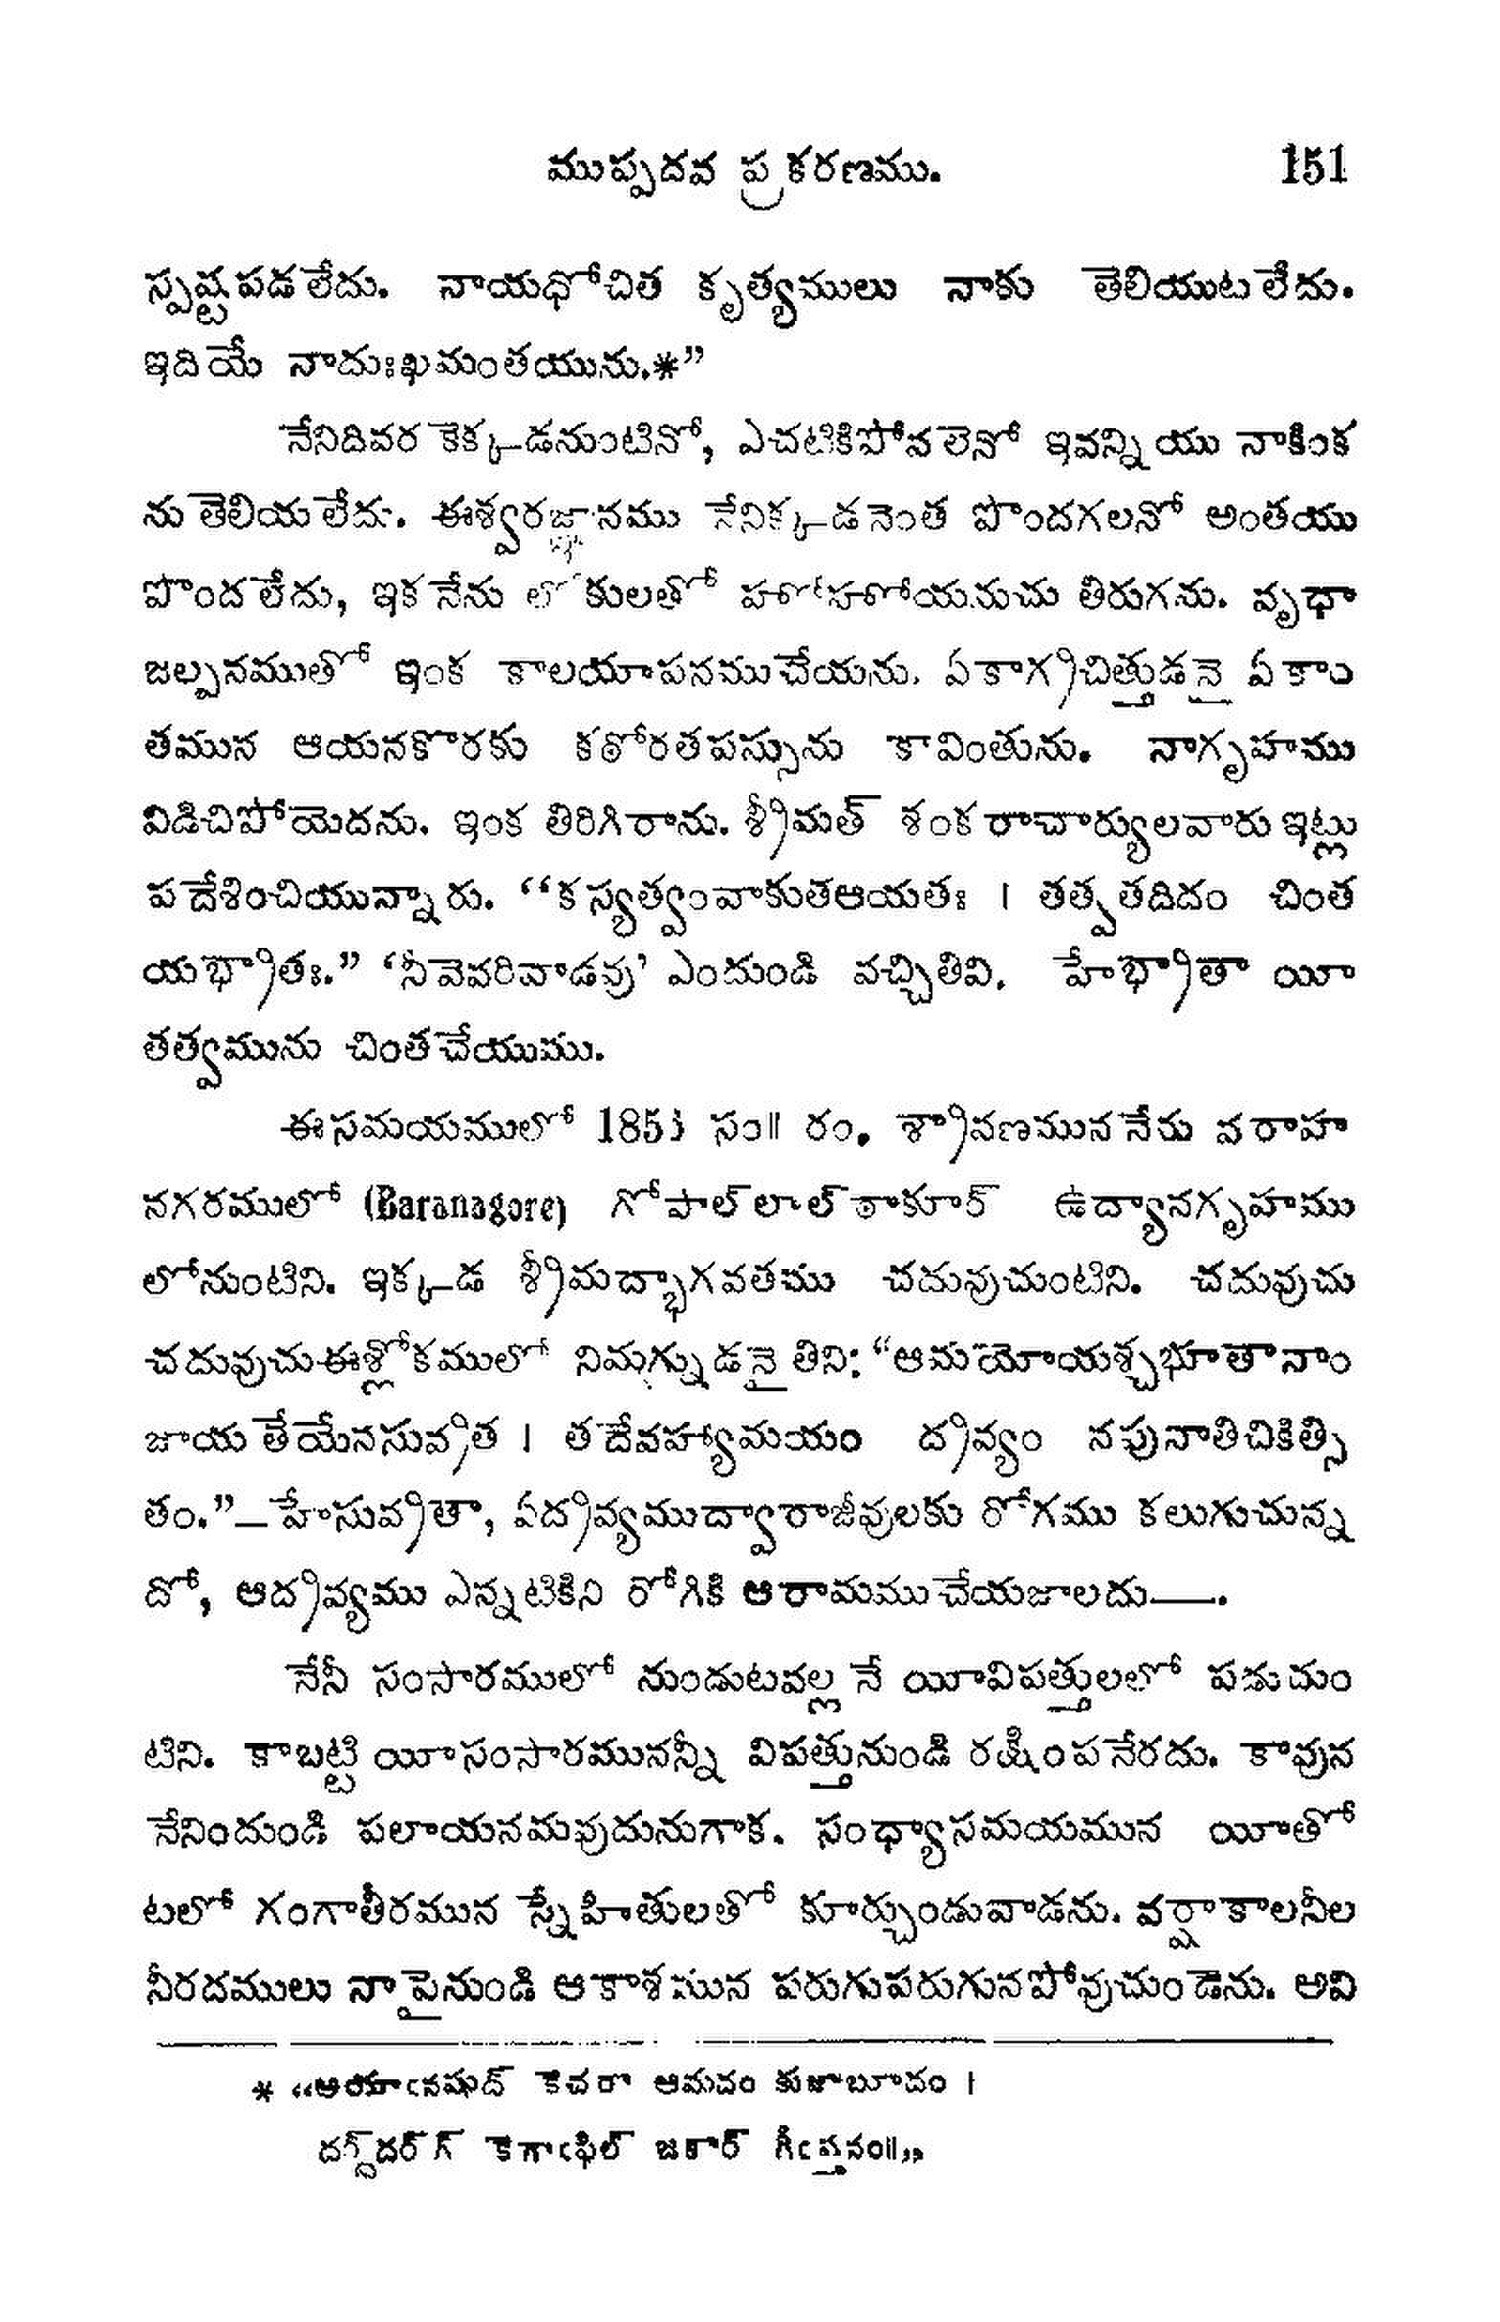.
స్పష్ట పడ లేదు. నాయధోచిత కృత్యములు నాకు తెలియుట లేదు.
ఇదియే నాదుఃఖమంతయును.*

నేనిదివర కెక్కడనుంటినో, ఎచటికిపోవలెనో ఇవన్నియు నాకింకను
తెలియ లేదు. ఈశ్వరజానము నేనిక్కడ నెంత పొందగలనో అంతయు
పొంద లేదు, ఇక నేను లోకులతో హోహోయనుచు తిరుగను. వృధా
జల్పనముతో ఇంక కాలయాపనము చేయను. ఏకాగ్రచిత్తుడనై ఏకాం
తమున ఆయనకొరకు కఠోరతపస్సును కావింతును. నాగృహము
విడిచిపోయెదను. ఇంక తిరిగిరాను. శ్రీశ్రీమత్ శంకరాచార్యులవారు ఇట్లు
పదేశించియున్నారు. “క స్యత్వం వాకుత ఆయతః | తత్పతదిదం చింత
యభ్రాతః.” “నీ వెవరివాడవు' ఎందుండి వచ్చి తివి, హేబ్రాతాత్వత్వమును 
చింత చేయుము.

ఈ సమయములో 1853 సం|| రం. శ్రావణమున నేను వరాహ
నగరములో (Barana are) గోపాల్ లాల్ శాకూర్ ఉద్యాన గృహము
లోనుంటిని. ఇక్కడ శ్రీమద్భాగవతము చదువుచుంటిని. చదువుచు
చదువుచు ఈ శ్లోకములో నిమగ్నుడనై తిని: "ఆమ యశ్చభూతానాం
జాయ తేయేససువత | త దేవహ్యా మయం దవ్యం నపునాతి చికిత్స
తం.”— హేసువతా, ఏద్రవ్యముద్వా రా జీవులకు రోగము కలుగుచున్న
దో, ఆదవ్యము ఎన్నటికిని రోగికి ఆరామము చేయజాలదు.నేనీ 
సంసారములో నుండుటవల్లనే యీవిపత్తులలో పడుచుంటిని. 
కాబట్టి యీ సంసారమునన్నీ విపత్తునుండి రక్షింప నేరదు. కావున
నేనిందుండి పలాయనమవుదునుగాక, సంధ్యా సమయమున యీతో
టలో గంగాతీరమున స్నేహితులతో కూర్చుండు వాడను. వర్షాకాలనీల
నీరదములు నాపై నుండి ఆకాశమున పరుగుపరుగునపోవుచుండెను. అవి